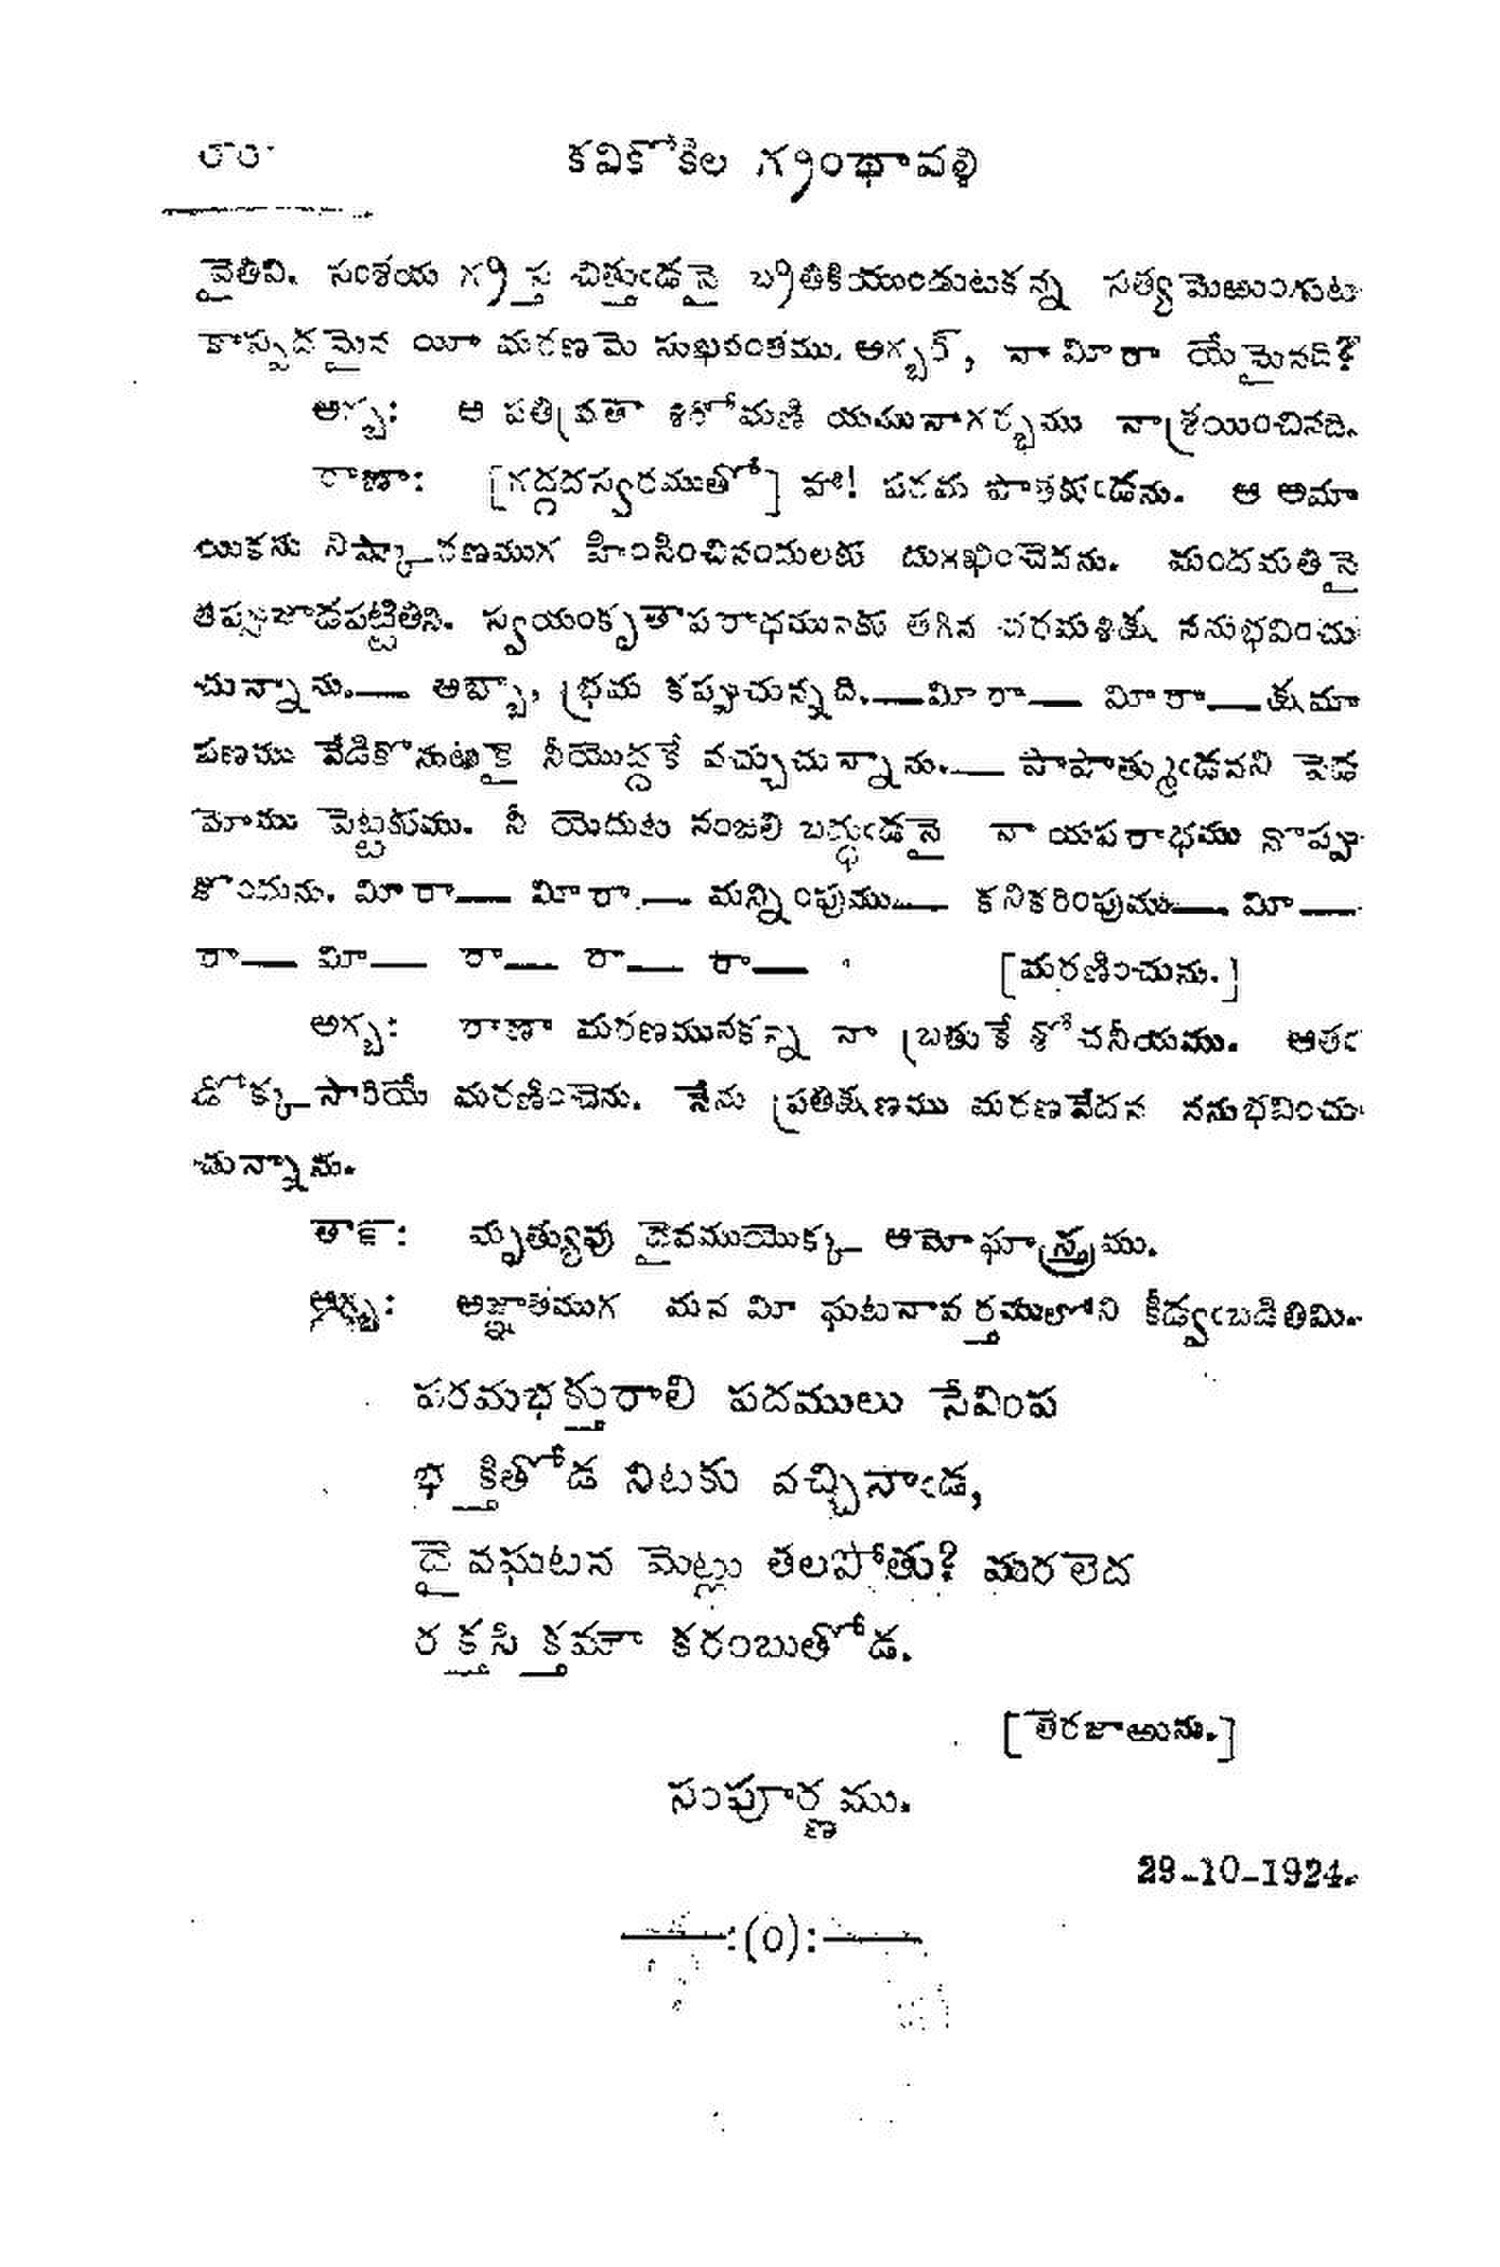వైతివి. సంశయ గ్రస్త చిత్తుఁడనై బ్రతికియుండుటకన్న సత్యమెఱుంగుట కాస్పదమైన యీ మరణమె సుఖవంతము. అగ్బర్, నా మీరా యేమైనది?

అగ్బ : ఆ పతివ్రతా శిరోమణి యమునాగర్భము నాశ్రయించినది.

రాణా : [గద్గదస్వరముతో] హా! పరమ పాతకుఁడను. ఆ అమాయికను నిష్కారణముగ హింసించినందులకు దు:ఖించెదను. మందమతినై తప్పుజాడపట్టితిని. స్వయంకృతాపరాధమునకు తగిన చరమశిక్ష ననుభవించు చున్నాను. - అబ్బా, భ్రమ కప్పుచున్నది. - మీరా - మీరా - క్షమాపణము వేడికొనుటకై నీయొద్దకే వచ్చుచున్నాను. - పాపాత్ముఁడనని పెడ మోము పెట్టకుము. నీ యెదుట నంజలి బద్ధుఁడనై నా యపరాధము నొప్పుకొందును. మీరా - మీరా - మన్నింపుము - కనికరింపుము - మీ - రా - మీ - రా - రా - రా - [మరణించును.]

అగ్బ : రాణా మరణమునకన్న నా బ్రతుకే శోచనీయము. ఆతఁడొక్కసారియే మరణించెను. నేను ప్రతిక్షణము మరణవేదన ననుభవించు చున్నాను.

తాన్ : మృత్యువు దైవముయొక్క అమోఘాస్త్రము.

అగ్బ : అజ్ఞాతముగ మన మీ ఘటనావర్తములోని కీడ్వఁబడితిమి.

 పరమభక్తురాలి పదములు సేవింప
 భక్తితోడ నిటకు వచ్చినాఁడ,
 దైవఘటన మెట్లు తలపోతు? మరలెద
 రక్తసిక్తమౌ కరంబుతోడ.

 [తెరజాఱును.]